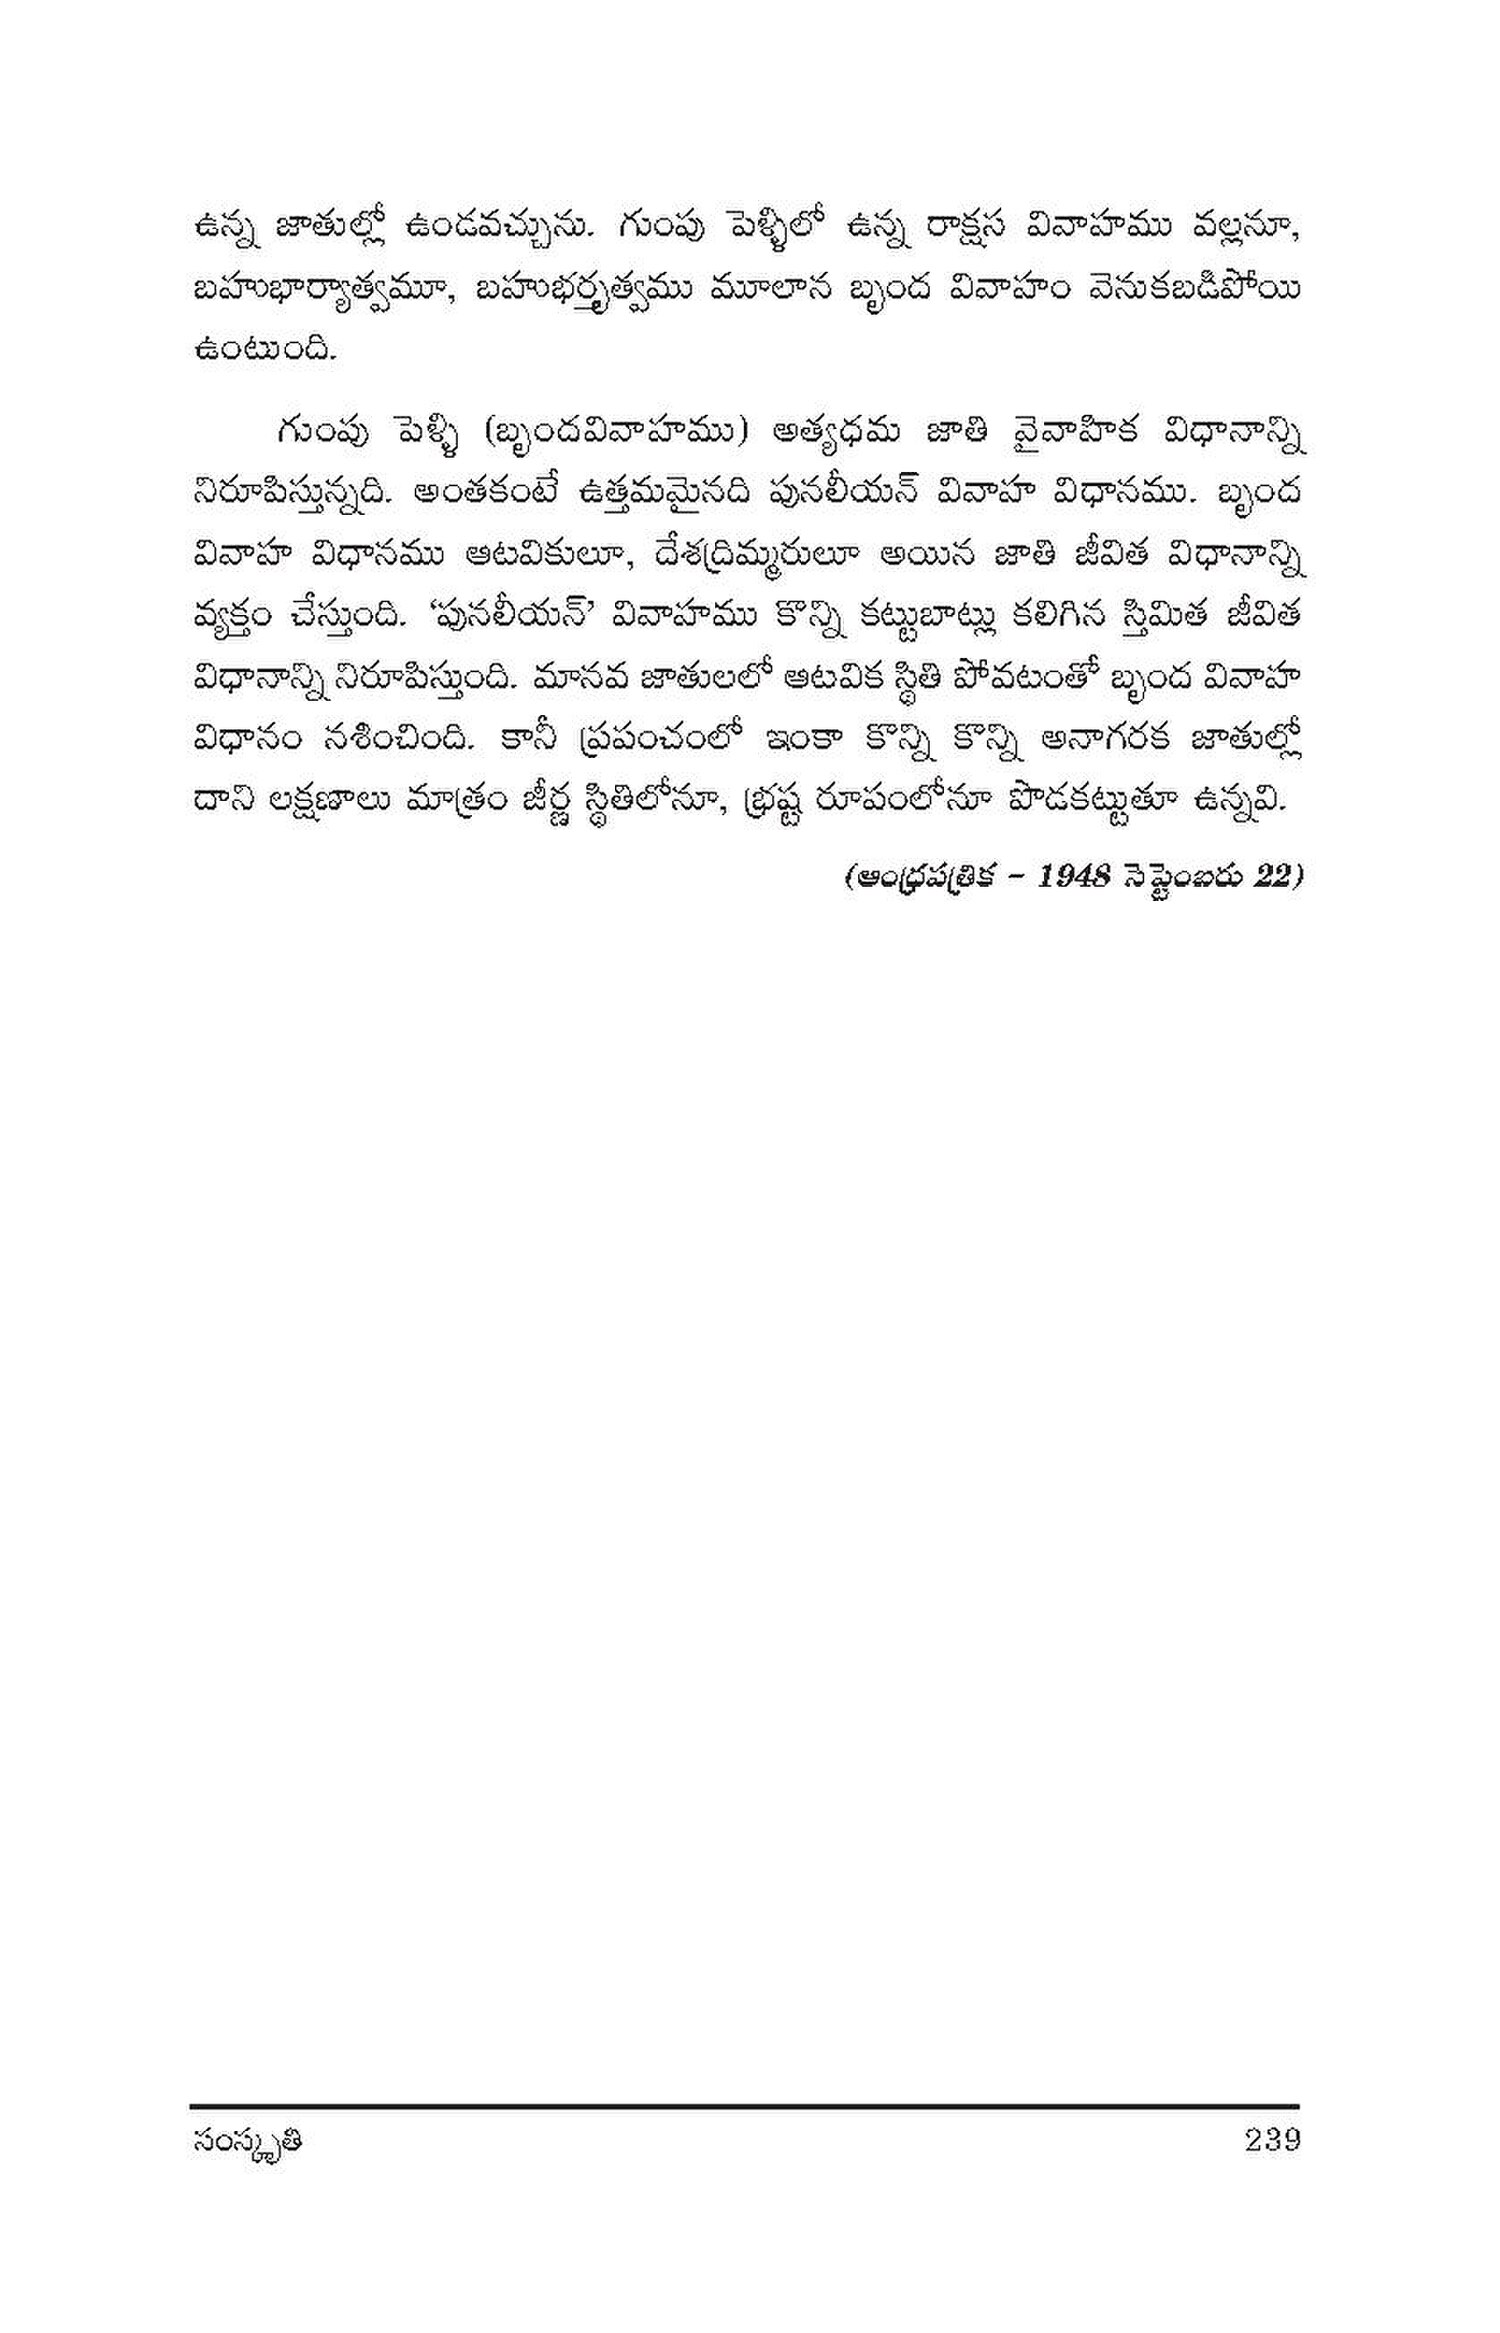ఉన్న జాతుల్లో ఉండవచ్చును. గుంపు పెళ్ళిలో ఉన్న రాక్షస వివాహము వల్లనూ,
బహుభార్యాత్వమూ, బహుభర్తృత్వము మూలాన బృంద వివాహం వెనుకబడిపోయి
ఉంటుంది.

గుంపు పెళ్ళి (బృందవివాహము) అత్యధమ జాతి వైవాహిక విధానాన్ని
నిరూపిస్తున్నది. అంతకంటే ఉత్తమమైనది పునలీయన్ వివాహ విధానము. బృంద
వివాహ విధానము ఆటవికులూ, దేశద్రిమ్మరులూ అయిన జాతి జీవిత విధానాన్ని
వ్యక్తం చేస్తుంది. 'పునలీయన్' వివాహము కొన్ని కట్టుబాట్లు కలిగిన స్తిమిత జీవిత
విధానాన్ని నిరూపిస్తుంది. మానవ జాతులలో ఆటవిక స్థితి పోవటంతో బృంద వివాహ
విధానం నశించింది. కానీ ప్రపంచంలో ఇంకా కొన్ని కొన్ని అనాగరిక జాతుల్లో
దాని లక్షణాలు మాత్రం జీర్ణ స్థితిలోనూ, భ్రష్ట రూపంలోనూ పొడకట్టుతూ ఉన్నవి.